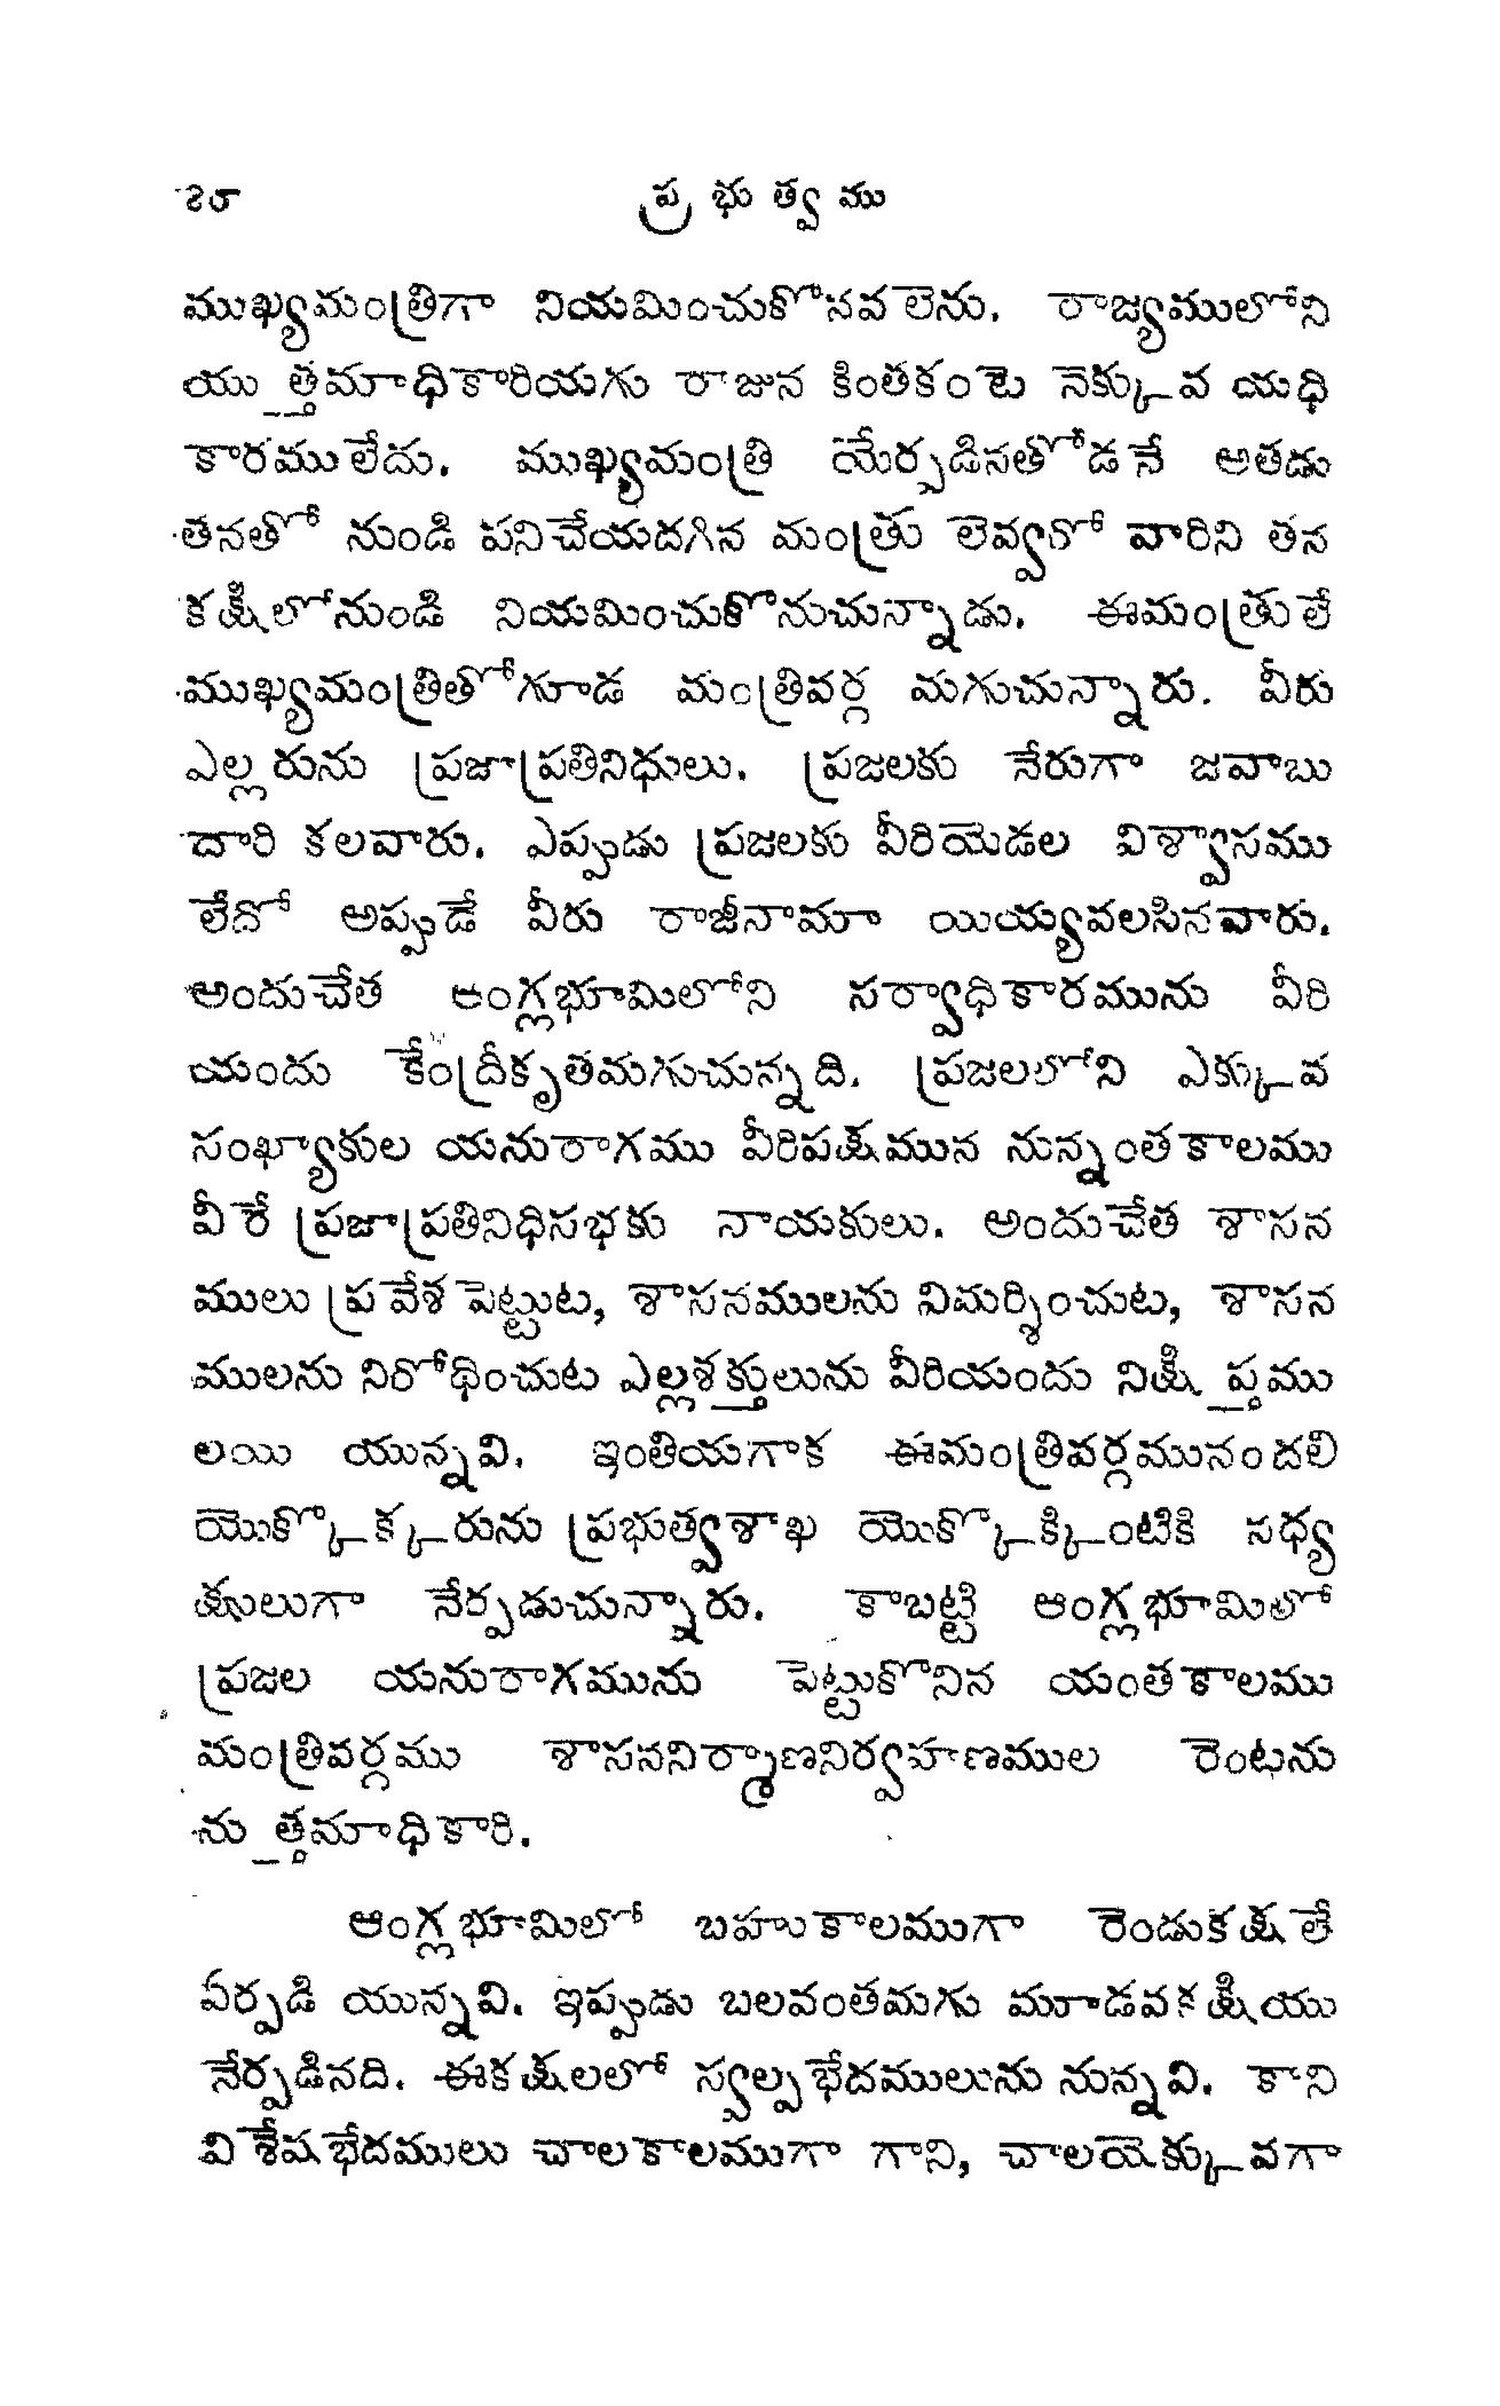ముఖ్యమంత్రిగా నియమించుకొనవలెను. రాజ్యములోని యుత్తమాధికారియగు రాజున కింతకంటె నెక్కువ యధికారములేదు. ముఖ్యమంత్రి యేర్పడినతోడనే అతడు తనతో నుండి పనిచేయదగిన మంత్రు లెవ్వరో వారిని తన కక్షిలోనుండి నియమించుకొనుచున్నాడు. ఈమంత్రులే ముఖ్యమంత్రితో గూడ మంత్రివర్గ మగుచున్నారు. వీరు ఎల్లరును ప్రజాప్రతినిధులు. ప్రజలకు నేరుగా జవాబుదారి కలవారు. ఎప్పుడు ప్రజలకు వీరియెడల విశ్వాసము లేదో అప్పుడే వీరు రాజీనామా యియ్యవలసిన వారు. అందుచేత ఆంగ్లభూమిలోని సర్వాధికారమును వీరియందు కేంద్రీకృతమగుచున్నది. ప్రజలలోని ఎక్కువ సంఖ్యాకుల యనురాగము వీరిపక్షమున నున్నంతకాలము వీరే ప్రజాప్రతినిధి సభకు నాయకులు. అందుచేత శాసనములు ప్రవేశ పెట్టుట, శాసనములను విమర్శించుట, శాసనములను నిరోధించుట ఎల్లశక్తులును వీరియందు నిక్షిప్తములయి యున్నవి. ఇంతియగాక ఈమంత్రివర్గమునందలి యొక్కొక్కరును ప్రభుత్వశాఖ యొక్కొక్కింటికి సధ్యక్షులుగా నేర్పడుచున్నారు. కాబట్టి ఆంగ్లభూమిలో ప్రజల యనురాగమును పెట్టుకొనిన యంతకాలము మంత్రివర్గము శాసన నిర్మాణనిర్వహణముల రెంటను నుత్తమాధికారి.

ఆంగ్ల \భూమిలో బహుకాలముగా రెండుకక్ష లే ఏర్పడి యున్నవి. ఇప్పుడు బలవంతమగు మూడవకక్షియు నేర్పడినది. ఈకక్షులలో స్వల్ప భేదములును నున్నవి. కాని విశేషభేదములు చాలకాలముగా గాని, చాలయెక్కువగా